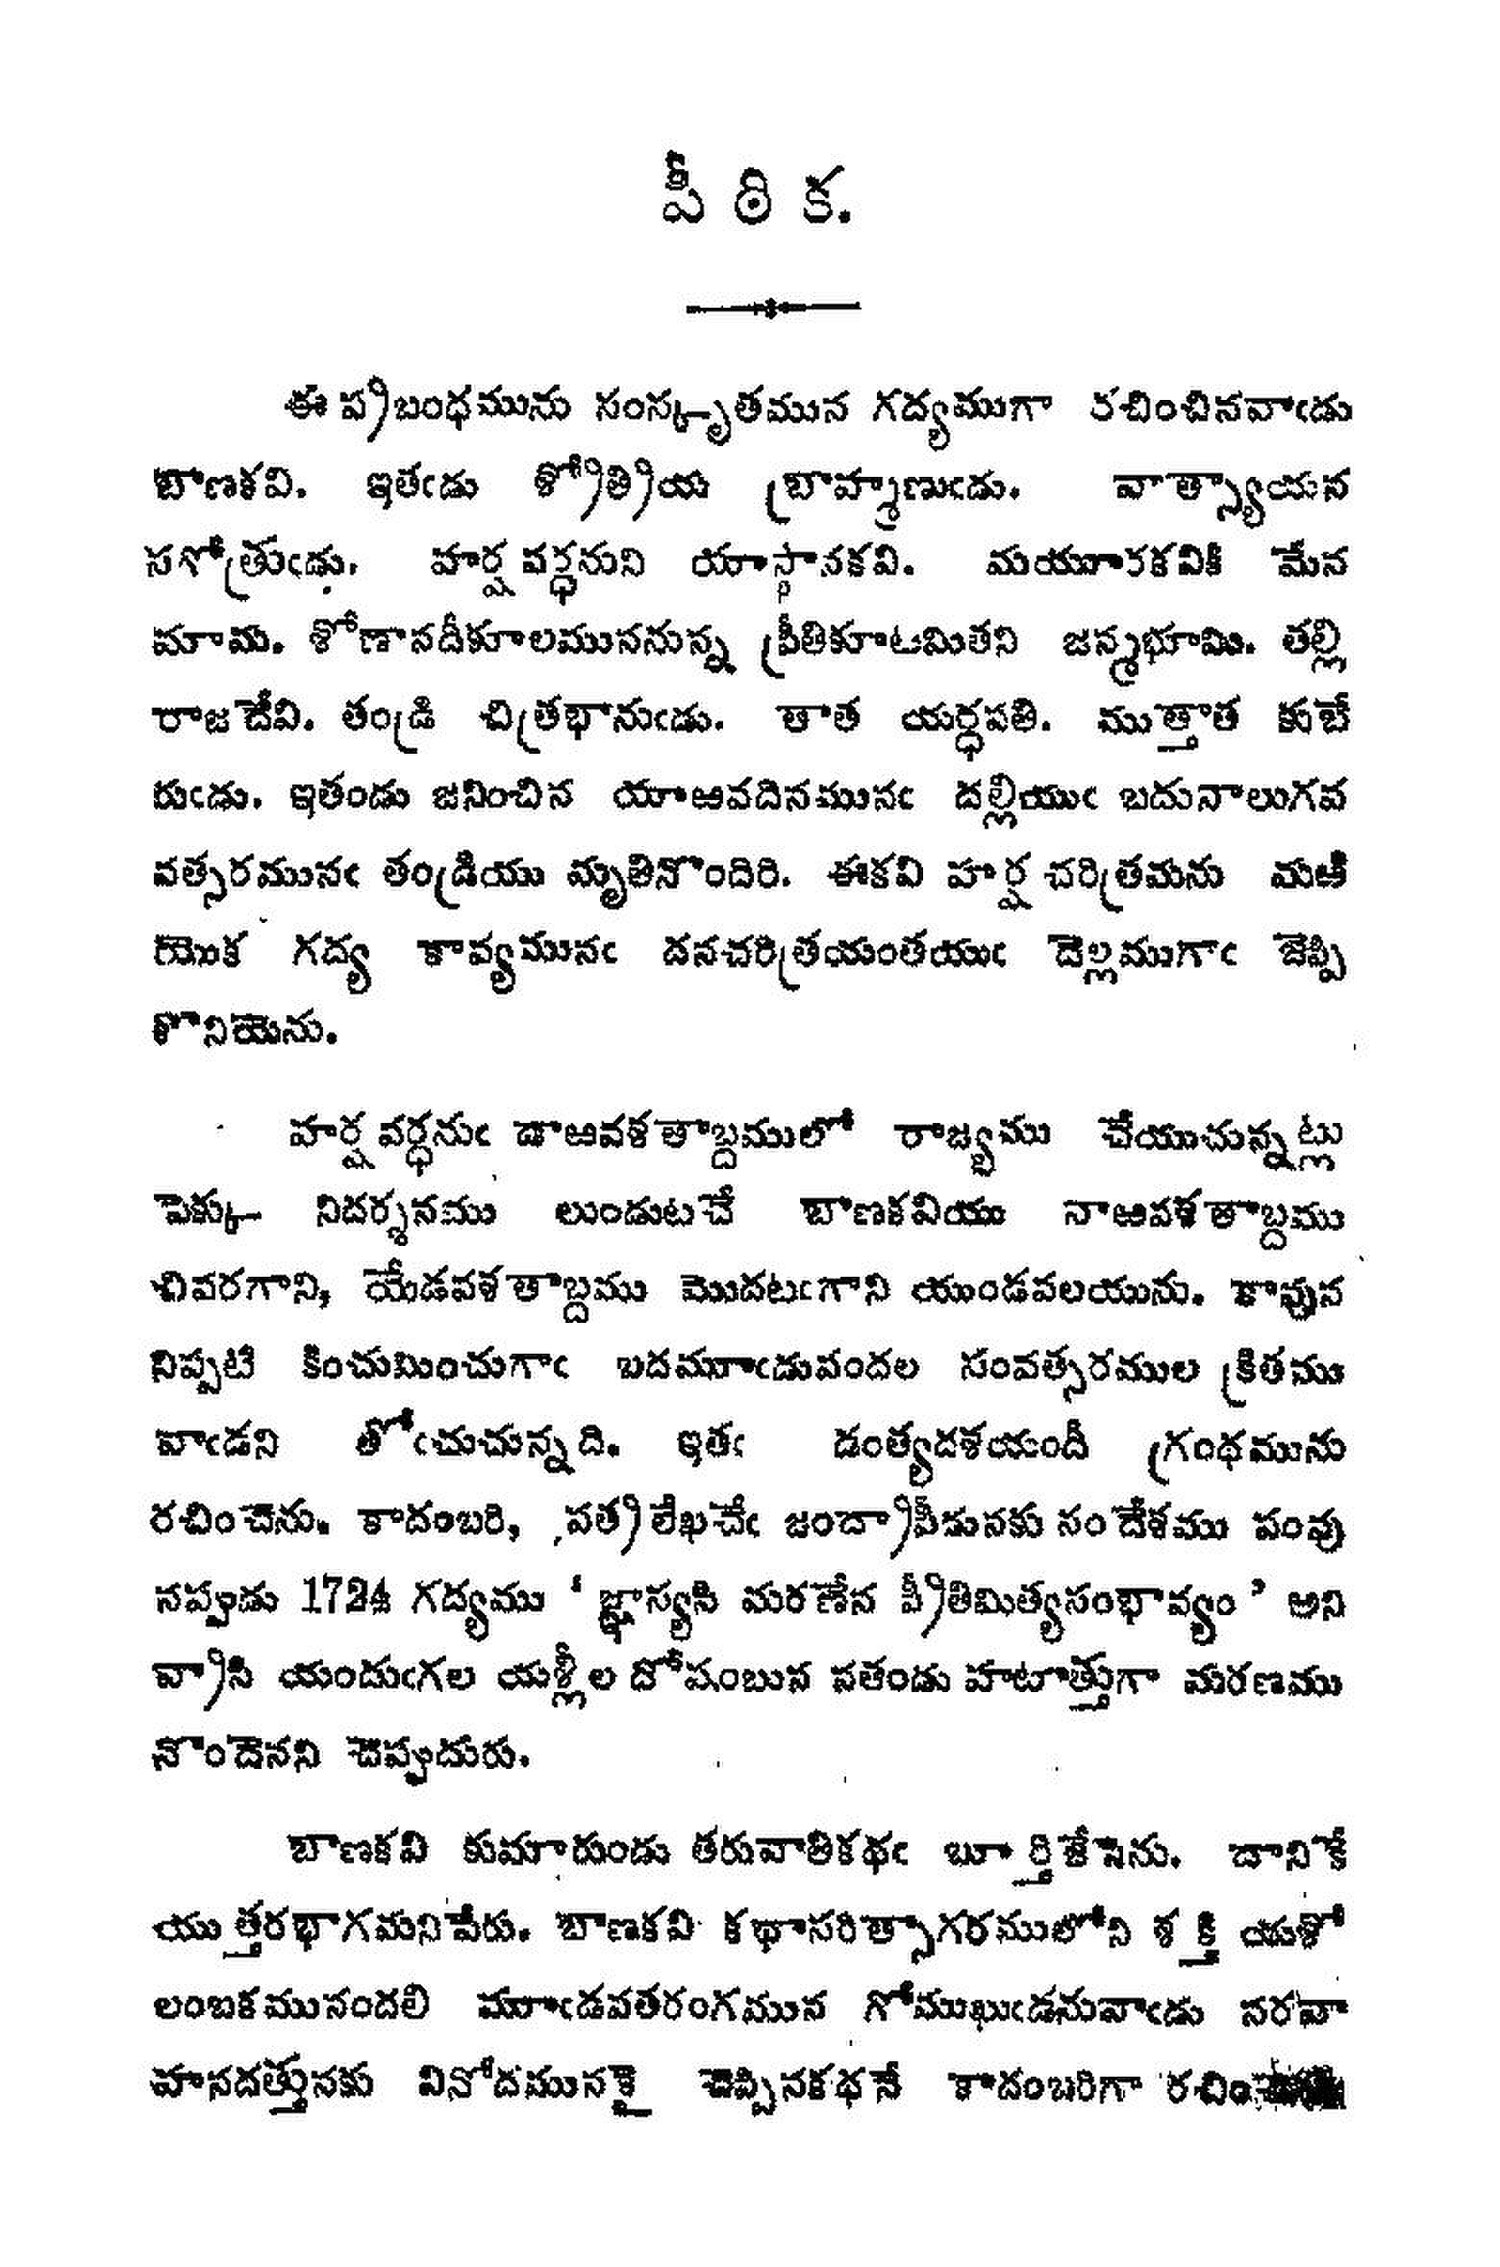పీఠిక.

ఈ ప్రబంధమును సంస్కృతమున గద్యముగా రచించినవాఁడు బాణకవి. ఇతఁడు శ్రోత్రియ బ్రాహ్మణుఁడు. వాత్స్యాయన సగోత్రుఁడు, హర్ష వర్ధనుని యాస్థానకవి. మయూరకవికి మేనమామ. శోణానదీకూలముననున్న ప్రీతికూటమితని జన్మభూమి. తల్లి రాజదేవి. తండ్రి చిత్రభానుఁడు. తాత యర్ధపతి. ముత్తాత కుబేరుఁడు. ఇతండు జనించిన యాఱవదినమునఁ దల్లియుఁ బదునాలుగువ వత్సరమునఁ తండ్రియు మృతినొందిరి. ఈకవి హర్ష చరిత్రమను మఱియొక గద్య కావ్యమునఁ దనచరిత్రయంతయుఁ దెల్లముగాఁ జెప్పికొనియెను.

హర్ష వర్ధనుఁ డాఱవశతాబ్దములో రాజ్యము చేయుచున్నట్లు పెక్కు నిదర్శనము లుండుటచే బాణకవియు నాఱవశతాబ్దము చివరగాని, యేడవశతాబ్దము మొదటఁగాని యుండవలయును. కావున నిప్పటి కించుమించుగాఁ బదమూఁడువందల సంవత్సరముల క్రితము వాఁడని తోఁచుచున్నది. ఇతఁ డంత్యదశయందీ గ్రంథమును రచించెను. కాదంబరి, పత్రలేఖచేఁ జంద్రాపీడునకు సందేశము పంపునప్పుడు 1724 గద్యము 'జ్ఞాస్యసి మరణేన ప్రీతిమిత్యసంభావ్యం' అని వ్రాసి యందుఁగల యశ్లీల దోషంబున నతండు హటాత్తుగా మరణము నొందెనని చెప్పుదురు.

బాణకవి కుమారుండు తరువాతికథఁ బూర్తిజేసెను. దానికే యుత్తరభాగమనిపేరు. బాణకవి కథాసరిత్సాగరములోని శక్తి యశోలంబకమునందలి మూఁడవతరంగమున గోముఖుఁడనువాఁడు నరవాహనదత్తునకు వినోదమునకై చెప్పినకథనే కాదంబరిగా రచించెను.